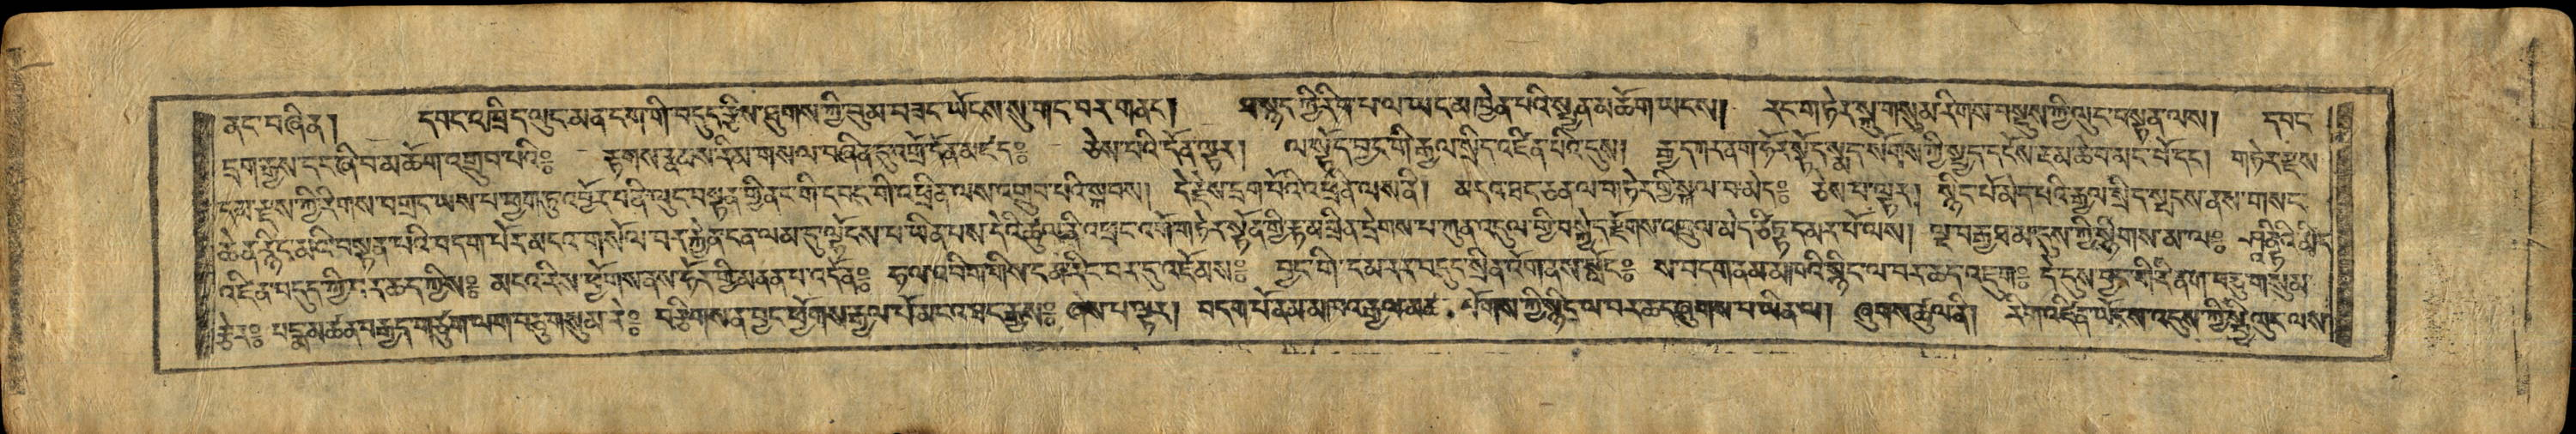ནང་བཞིན། དབང་འཁྲིད་ལུང་མན་ངག་གི་བདུད་རྩིས་ཐུགས་ཀྱི་བུམ་བཟང་ཡོངས་སུ་གང་བར་གནད། ཐ་སྙད་ཀྱི་རིག་པ་ལ་ཡང་མཁྱེན་པའི་སྦྱན་མཆོག་ཡངས། རང་གཏེར་སྐུ་གསུམ་རིགས་བསྡུས་ཀྱི་ལུང་བསྟན་ལས། དབང་
དྲག་རྒྱས་དང་ཞི་བ་མཆོག་འགྲུབ་པའིཿ་རྟགས་རྣམས་རིམ་གསལ་བཞིན་དུ་འགྲོ་དོན་མཛདཿ་ཅེས་པའི་དོན་ལྟར། ལ་སྟོད་བྱང་གི་རྒྱལ་སྲིད་འཛིན་པའི་དུས། རྒྱ་དཀར་ནག་ཧོར་སྟོད་སྨད་སོགས་ཀྱི་སྤྱད་དངོས་རྔམ་ཆེ་བ་མང་པོ་དང་། གཏེར་རྫས་
དམ་རྫས་ཀྱི་རིགས་བགྲང་ཡས་པ་ཕྱག་ཏུ་འབྱོར་བ་ནི་ལུང་བསྟན་གྱི་ནང་གི་དབང་གི་འཕྲིན་ལས་འགྲུབ་པའི་སྐབས། དེ་རྗེས་དྲག་པོའི་འཕྲིན་ལས་ནི། མངའ་ཐང་ཅན་ལ་གཏེར་གྱི་སྐལ་བ་མེདཿ་ཅེས་པ་ལྟར། སྙིང་པོ་མེད་པའི་རྒྱལ་སྲིད་སྤངས་ནས་གསང་
ཆེན་སྙིང་མའི་བསྟན་པའི་བདག་པོར་མངའ་གསོལ་བར་རྐྱེན་ངན་ལམ་དུ་ལྷོངས་པ་ཡིན་པས་དེའི་ཚུལ་ནི་འཕྲང་འགོ་གཏེར་སྟོན་གྱི་རྟ་མགྲིན་དྲེགས་པ་ཀུན་འདུལ་གྱི་བསྐྱེད་རྫོགས་འཁྲུལ་མེད་ཙིཏྟ་དམར་པོ་ལས། ལྔ་བརྒྱ་ཐ་མ་དུས་ཀྱི་སྙིགས་མ་ལཿ་ཤཱནྟིའི་མིང་
འཛིན་བདུད་ཀྱི་བར་ཆད་ཀྱིསཿ་མངའ་རིས་ཕྱོགས་ནས་ཧོར་གྱི་མནན་པ་འདོནཿ་ཧ་ལ་འབིག་གིས་དམ་དིང་བར་དུ་འཇོམསཿ་བྱང་གི་དམ་རར་བདུད་སྲིན་འོག་ནས་སློངཿ་ས་བདག་ནམ་མཁའི་སྙིང་ལ་བར་ཆད་འཇུགཿ་དེ་དུས་བྱང་གི་རི་ནག་བཅུ་གསུམ་
རྩེརཿ་པདམ་མཚན་བརྒྱད་གཙུག་ལག་བཅུ་གསུམ་རེཿ་བརྩིགས་ན་བྱང་ཕྱོགས་རྒྱལ་པོ་མངའ་ཐང་རྒྱསཿ་ཞེས་པ་ལྟར། བདག་པོ་ནམ་མཁའ་རྒྱལ་མཚན་སོགས་ཀྱི་སྙིང་ལ་བར་ཆད་ཞུགས་པ་ཡིན་ལ། ཞུགས་ཚུལ་ནི། རིག་འཛིན་ཡོངས་འདུས་ཀྱི་སྤྱི་ལུང་ལས་